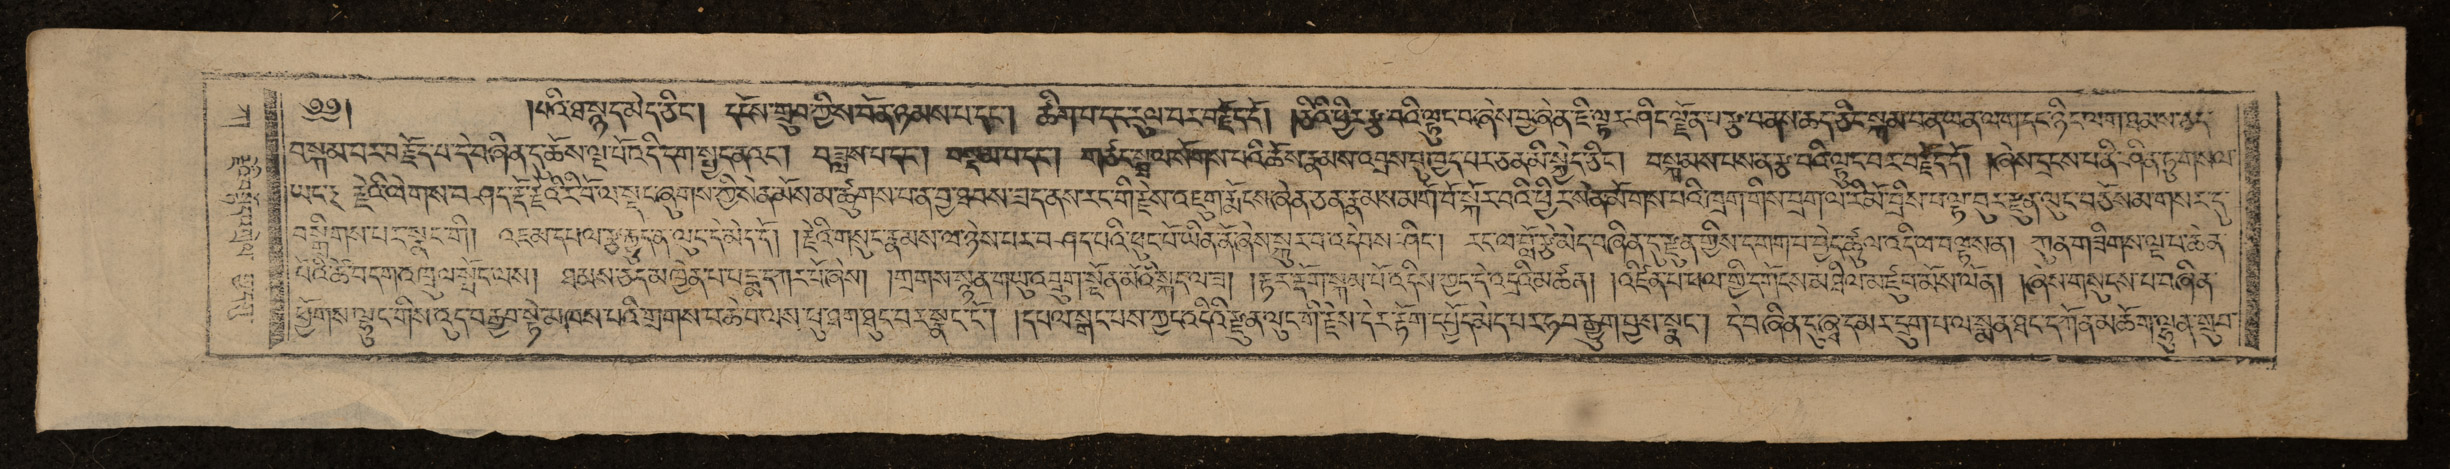༄༅། །པའི་ཐ་སྙད་མེད་ཅིང་། དངོས་གྲུབ་ཀྱིས་བོན་ཉམས་བ་དང་། ཚིག་པ་དང་རུལ་བར་བརྗོད་དོ། །ཅིའི་ཕྱིར་རྩ་བའི་ལྟུང་བ་ཞེས་བྱ་ཞེན་ཇི་ལྟར་ཤིང་ལྗོན་པ་རྩ་བ་ནས་ཆད་ཅིང་སྐམ་པ་ན་ཡན་ལག་དང་ཉིད་ལག་ཐམས་ཅད་
བསྐམ་པར་བརྗོད་པ་དེ་བཞིན་དུ་ཆོས་ལྔ་པོ་འདི་དག་སྤྱད་ནའང་། བཟླས་པ་དང་། བསྡམ་པ་དང་། །གཙང་སྦྲལ་སོགས་པའི་ཆོས་རྣམས་འབྲས་བུ་ཁྱད་པར་ཅན་མི་སྐྱེད་ཅིང་། བསྐམས་པས་ན་རྩ་བའི་ལྟུང་བར་བརྗོད་དོ། །ཞེས་དྲངས་པ་ནི་ཤིན་ཏུ་གསལ་
ཡང༑ རྗེའི་ལེགས་བཤད་རྡོ་རྗེའི་རི་བོ་ལ་སྡང་ཞུགས་ཀྱི་སེན་མོས་མ་ཚུགས་པ་ན་བྱ་ཐབས་ཟད་ནས་རང་གི་རྗེས་འཇུག་རྨོངས་ཞེན་ཅན་རྣམས་མགོ་པོ་སྐོར་བའི་ཕྱིར་སེན་མོ་གས་པའི་ཁྲག་གིས་བྲག་ལ་རི་མོ་བྲིས་པ་ལྟ་བུར་རྫུན་ལུང་བཅོས་མ་གསར་དུ་
བསྒྲིགས་པར་སྣང་གི། འཇམ་དཔལ་རྩ་རྒྱུད་ན་ལུང་དེ་མེད་དོ། །རྗེའི་གསུང་རྣམས་ལ་ཉེས་པར་བཤད་པའི་ཕུང་པོ་ཡིན་ནོ་ཞེས་སྐུར་པ་འདེབས་ཤིང་། རང་ལ་བློ་རྩེ་མེད་བཞིན་དུ་རྫུན་གྱིས་དགག་པ་བྱེད་ཚུལ་འདི་ལ་བལྟས་ན། ཀུན་གཟིགས་ལྔ་པ་ཆེན་
པོའི་ཚེ་བདག་འཁྲུལ་སྤོང་ལས། ཐམས་ཅད་མཁྱེན་པ་པདམ་དཀར་པོ་ཞེས། །གྲགས་སྙན་གཡུ་འབྲུག་སྔོན་མོའི་སྐད་ལ་ཟ། །རྟར་རྔོག་སྐམ་པོ་འདིས་ཀྱང་དེ་འདྲའི་མཚན། །འཛིན་པ་ཕལ་གྱི་དགོངས་མཐིལ་མཛུབ་མོས་ལོན། །ཞེས་གསུངས་པ་བཞིན་
ཕྱོགས་ལྷུང་གིས་འུད་བརྒྱབ་སྟེ་མཁས་པའི་གྲགས་པ་ཆེ་བ་ལས་ཕུ་ཐག་ཐུང་བར་སྣང་ངོ། །དཔལ་སྒང་པས་ཀྱང་འདིའི་རྫུན་ལུང་གི་རྗེས་དེར་རྟོག་དཔྱོད་མེད་པར་ཧབ་རྒྱུག་བྱས་སྣང་། དེ་བཞིན་དུ་ཞྭ་དམར་དྲུག་པ་ལ་སྨན་ཐང་དཀོན་མཆོག་ལྷུན་གྲུབ་